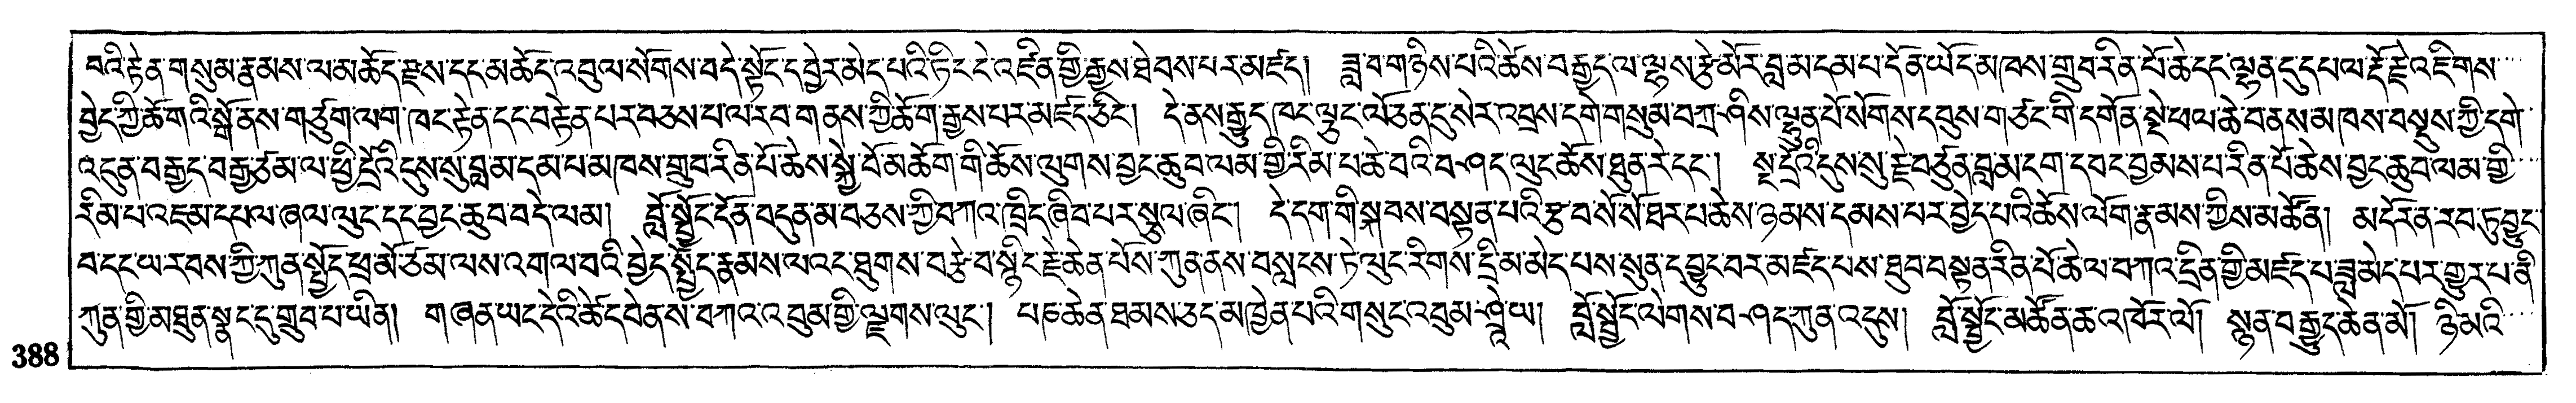བའི་རྟེན་གསུམ་རྣམས་ལ་མཆོད་རྫས་དང་མཆོད་འབུལ་སོགས་བདེ་སྟོང་དབྱེར་མེད་པའི་ཏིང་ངེ་འཛིན་གྱི་རྒྱས་ཐེབས་པར་མཛད། ཟླ་བ་གཉིས་པའི་ཚེས་བརྒྱད་ལ་ལྷས་རྩེ་མོར་བླ་མ་དམ་པ་དོན་ཡོད་མཁས་གྲུབ་རིན་པོ་ཆེ་དང་ལྷན་དུ་དཔལ་རྡོ་རྗེ་འཇིགས་
བྱེད་ཀྱི་ཆོ་གའི་སྒོ་ནས་གཙུག་ལག་ཁང་རྟེན་དང་བརྟེན་པར་བཅས་པ་ལ་རབ་གནས་ཀྱི་ཆོ་ག་རྒྱས་པར་མཛད་ཅིང་། དེ་ནས་རྒྱུད་ཁང་ལྕང་ལོ་ཅན་དུ་སེར་འབྲས་དགེ་གསུམ་བཀྲ་ཤིས་ལྷུན་པོ་སོགས་དབུས་གཙང་གི་དགོན་སྡེ་ཕལ་ཆེ་བ་ནས་མཁས་བསྡུས་ཀྱི་དགེ་
འདུན་བརྒྱད་བརྒྱ་ཙམ་ལ་ཕྱི་དྲོའི་དུས་སུ་བླ་མ་དམ་པ་མཁས་གྲུབ་རིན་པོ་ཆེས་སྐྱེ་བོ་མཆོག་གི་ཆོས་ལུགས་བྱང་ཆུབ་ལམ་གྱི་རིམ་པ་ཆེ་བའི་བཤད་ལུང་ཆོས་ཐུན་རེ་དང་། སྔ་དྲོའི་དུས་སུ་རྗེ་བཙུན་བླ་མ་ངག་དབང་བྱམས་པ་རིན་པོ་ཆེས་བྱང་ཆུབ་ལམ་གྱི་
རིམ་པ་འཇམ་དཔལ་ཞལ་ལུང་དང་བྱང་ཆུབ་བདེ་ལམ། བློ་སྤྱོད་དོན་བདུན་མ་བཅས་ཀྱི་བཀའ་ཁྲིད་ཞིབ་པར་སྩལ་ཞིང་། དེ་དག་གི་སྐབས་བསྟན་པའི་རྩ་བ་སོ་སོ་ཐར་པ་ཆེས་ཉམས་དམས་པར་བྱེད་པའི་ཆོས་ལོག་རྣམས་ཀྱིས་མཚོན། མདོར་ན་རབ་ཏུ་བྱུང་
བ་དང་ཡ་རབས་ཀྱི་ཀུན་སྤྱོད་ཕྲ་མོ་ཙམ་ལས་འགལ་བའི་བྱེད་སྤྱོད་རྣམས་ལའང་ཐུགས་བརྩེ་བ་སྙིང་རྗེ་ཆེན་པོས་ཀུན་ནས་བསླངས་ཏེ་ལུང་རིགས་དྲི་མ་མེད་པས་སུན་དབྱུང་བར་མཛད་པས་ཐུབ་བསྟན་རིན་པོ་ཆེ་ལ་བཀའ་དྲིན་གྱི་མཛད་པ་ཟླ་མེད་པར་གྱུར་པ་ནི་
ཀུན་གྱི་མཐུན་སྣང་དུ་གྲུབ་པ་ཡིན། གཞན་ཡང་དེའི་ཚེ་དབེན་ས་བཀའ་བུམ་གྱི་ལྗགས་ལུང་། པཎ་ཆེན་ཐམས་ཅད་མཁྱེན་པའི་གསུང་འབུམ་ཤརE་ཡ། བློ་སྦྱོང་ལེགས་བཤད་ཀུན་འདུས། བློ་སྦྱོང་མཚོན་ཆ་འཁོར་ལོ། སྙན་བརྒྱུད་ཆེན་མོ། ཉི་མའི་